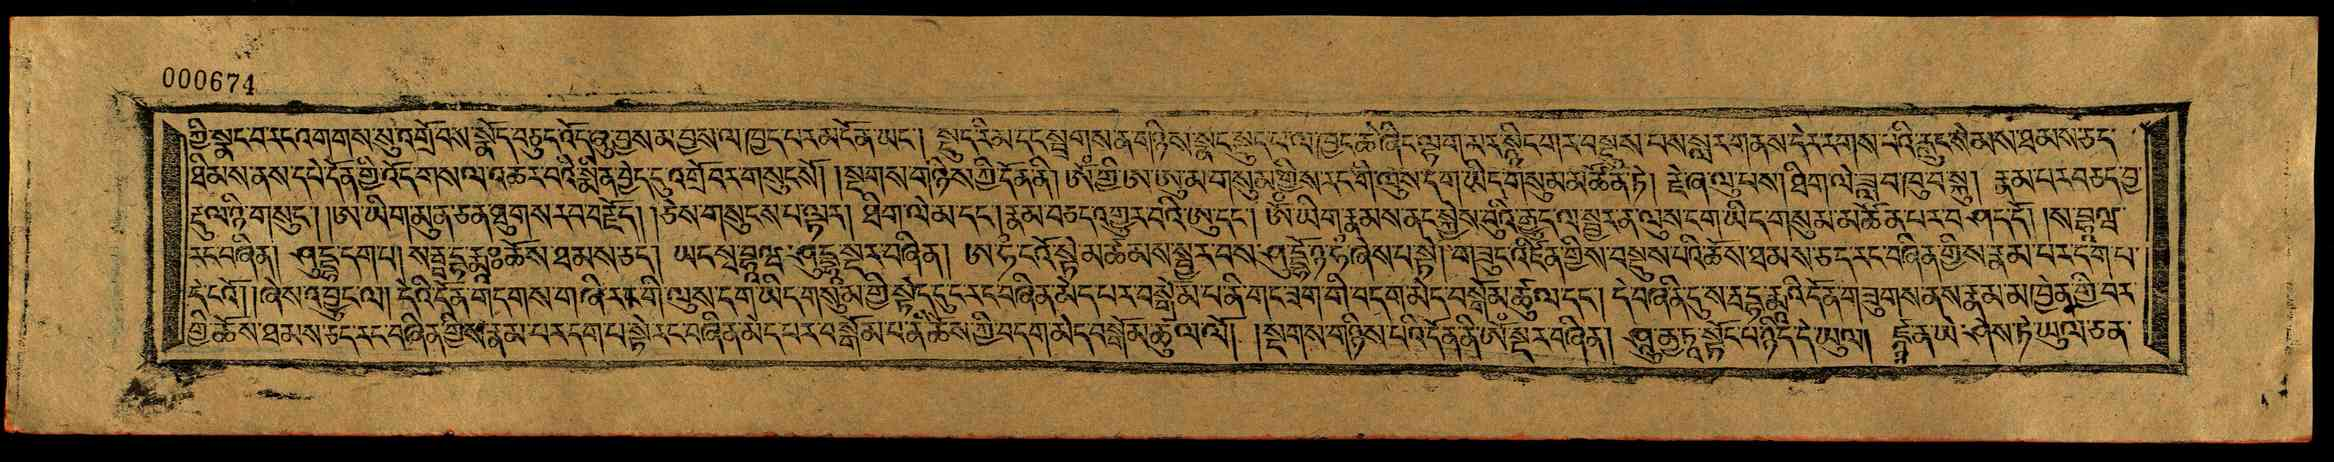ཀྱི་སྣང་བ་རང་འགགས་སུ་འགྲོ་བས་སྣོད་བཅུད་འོད་ཞུ་བྱས་མ་བྱས་ལ་ཁྱད་པར་མེད་ན་ཡང་། སྡུད་རིམ་དང་སྦྲགས་ན་གཉིས་སྣང་སྡུད་པ་ལ་ཁྱད་ཆེ་ཞིང་ལྷག་པར་སྙིང་གར་བསྡུས་པས་སླར་གནས་དེར་རགས་པའི་རླུང་སེམས་ཐམས་ཅད་
ཐིམས་ནས་དཔེ་དོན་གྱི་འོད་གསལ་འཆར་བའི་སྨིན་བྱེད་དུ་འགྲོ་བར་གསུངས་སོ། །སྔགས་གཉིས་ཀྱི་དོན་ནི། ཨོཾ་གྱི་ཨ་ཨུ་མ་གསུམ་གྱིས་རང་གི་ལུས་ངག་ཡིད་གསུམ་མཚོན་ཏེ། རྗེ་ཞ་ལུ་པས། ཐིག་ལེ་ཟླ་བ་ཁུ་བ་སྐུ །རྣམ་པར་བཅད་བྱ་
རྡུལ་ཉི་གསུང་། །ཨ་ཡིག་མུན་ཅན་ཐུགས་རབ་བརྗོད། །ཅེས་གསུངས་པ་ལྟར། ཐིག་ལེ་མ་དང་། རྣམ་བཅད་འགྱུར་བའི་ཨུ་དང་། ཨ་ཡིག་རྣམས་ནང་སྐྱེས་བུའི་རྒྱུད་ལ་སྦྱར་ན་ལུས་ངག་ཡིད་གསུམ་མཚོན་པར་བཤད་དོ། །སྭ་བྷཱ་ཝ་
རང་བཞིན། ཤུདྡྷ་དག་པ། སརྦ་དྷརྨཱཿ ཆོས་ཐམས་ཅད། ཡང་སྭ་བྷཱ་ཝ་ཤུདྡྷཱ་སྔར་བཞིན། ཨ་ཧཾ་ངའོ་སྟེ་མཚམས་སྦྱར་བས་ཤུདྡྷོ་ཉཧཾ་ཞེས་པ་སྟེ། གཟུང་འཛིན་གྱིས་བསྡུས་པའི་ཆོས་ཐམས་ཅད་རང་བཞིན་གྱིས་རྣམ་པར་དག་པ་
དེ་ངའོ། །ཞེས་འབྱུང་ལ། དེའི་དོན་གདགས་གཞི་རང་གི་ལུས་ངག་ཡིད་གསུམ་གྱི་སྟེང་དུ་ང་རང་བཞིན་མེད་པར་བསྒོམ་པ་ནི་གང་ཟག་གི་བདག་མེད་བསྒོམ་ཚུལ་དང་། དེ་བཞིན་དུ་སརྦ་དྷརྨའི་དོན་གཟུགས་ནས་རྣམ་མཁྱེན་གྱི་བར་
གྱི་ཆོས་ཐམས་ཅད་རང་བཞིན་གྱིས་རྣམ་པར་དག་པ་སྟེ་རང་བཞིན་མེད་པར་བསྒོམ་པ་ནི་ཆོས་ཀྱི་བདག་མེད་བསྒོམ་ཚུལ་ལོ། །སྔགས་གཉིས་པའི་དོན་ནི་ཨོཾ་སྔར་བཞིན། ཤཱུ་ཉ་ཏཱ་སྟོང་པ་ཉིད་དེ་ཡུལ། ཛྙའ་ན་ཡེ་ཤེས་ཏེ་ཡུལ་ཅན་